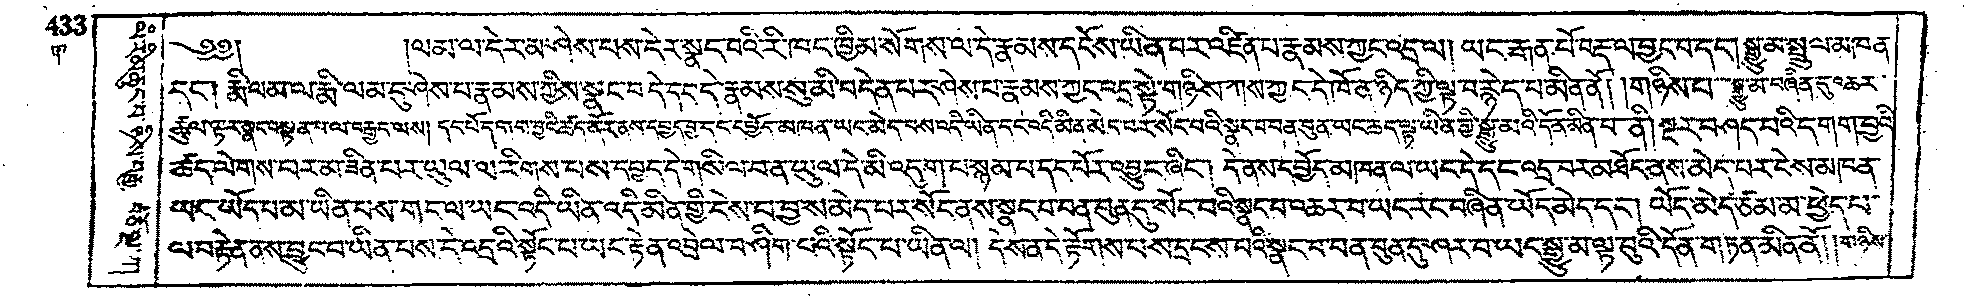༄༅། །ལམ་ལ་དེར་མ་ཤེས་པས་དེར་སྣང་བའི་རི་ཁང་ཁྱིམ་སོགས་ལ་དེ་རྣམས་དངོས་ཡིན་པར་འཛིན་པ་རྣམས་ཀྱང་འདྲ་ལ། ཡང་རྒན་པོ་བརྡ་ལ་བྱང་བ་དང་། སྒྱུ་མ་སྤྲུལ་མཁན་
དང་། རྨི་ལམ་ལ་རྨི་ལམ་དུ་ཤེས་པ་རྣམས་ཀྱིས་སྣང་བ་དེ་དང་དེ་རྣམས་སུ་མི་བདེན་པར་ཤེས་པ་རྣམས་ཀྱང་འདྲ་སྟེ་གཉིས་ཀས་ཀྱང་དེ་ཁོ་ན་ཉིད་ཀྱི་ལྟ་བརྙེད་པ་མི་མིན་ནོ། །གཉིས་པསྒྱུ་མ་བཞིན་དུ་འཆར་
ཚུལ་ལྟར་སྣང་བསྟན་པ་ལ་བརྒྱད་ལས། དང་པོ་དགག་བྱའི་ཚད་ནོར་ནས་དཔྱད་བྱ་དང་དཔྱོད་མཁན་ཡང་མེད་པས་འདི་ཡིན་དང་འདི་མིན་མེད་པར་སོང་བའི་སྣང་བ་བབ་བུན་ཡང་ཆད་ལྟ་ཡིན་གྱི་སྒྱུ་མའི་དོན་མིན་པནི། སྔར་བཤད་པའི་དགག་བྱའི་
ཚད་ལེགས་པར་མ་ཟིན་པར་ཡུལ་ལ་རིགས་པས་དཔྱད་དེ་གསིལ་བ་ན་ཡུལ་དེ་མི་འདུག་པ་སྙམ་པ་དང་པོར་འབྱུང་ཞིང་། དེ་ནས་སྤྱོད་མཁན་ལ་ཡང་དེ་དང་འདྲ་བར་མཐོང་ནས་མེད་པར་ངེས་མཁན་
ཡང་ཡོད་པ་མ་ཡིན་པས་གང་ལ་ཡང་འདི་ཡིན་འདི་མིན་གྱི་ངེས་པ་བྱས་མེད་པར་སོང་ནས་སྣང་བ་བན་བུན་དུ་སོང་བའི་སྣང་བ་འཆར་བ་ཡང་རང་བཞིན་ཡོད་མེད་དང་། ཡོད་མེད་ཙམ་མ་ཕྱེད་པ་
ལ་བརྟེན་ནས་བྱུང་བ་ཡིན་པས་དེ་འདྲའི་སྟོང་པ་ཡང་རྟེན་འབྲེལ་བ་ཤིག་བའི་སྟོང་བ་ཡིན་ལ། དེས་ན་དེ་རྟོགས་པས་དྲངས་པའི་སྣང་བ་བན་བུན་དུ་ཤར་བ་ཡང་སྒྱུ་མ་ལྟ་བུའི་དོན་གཏན་མིན་ནོ། །གཉིས་